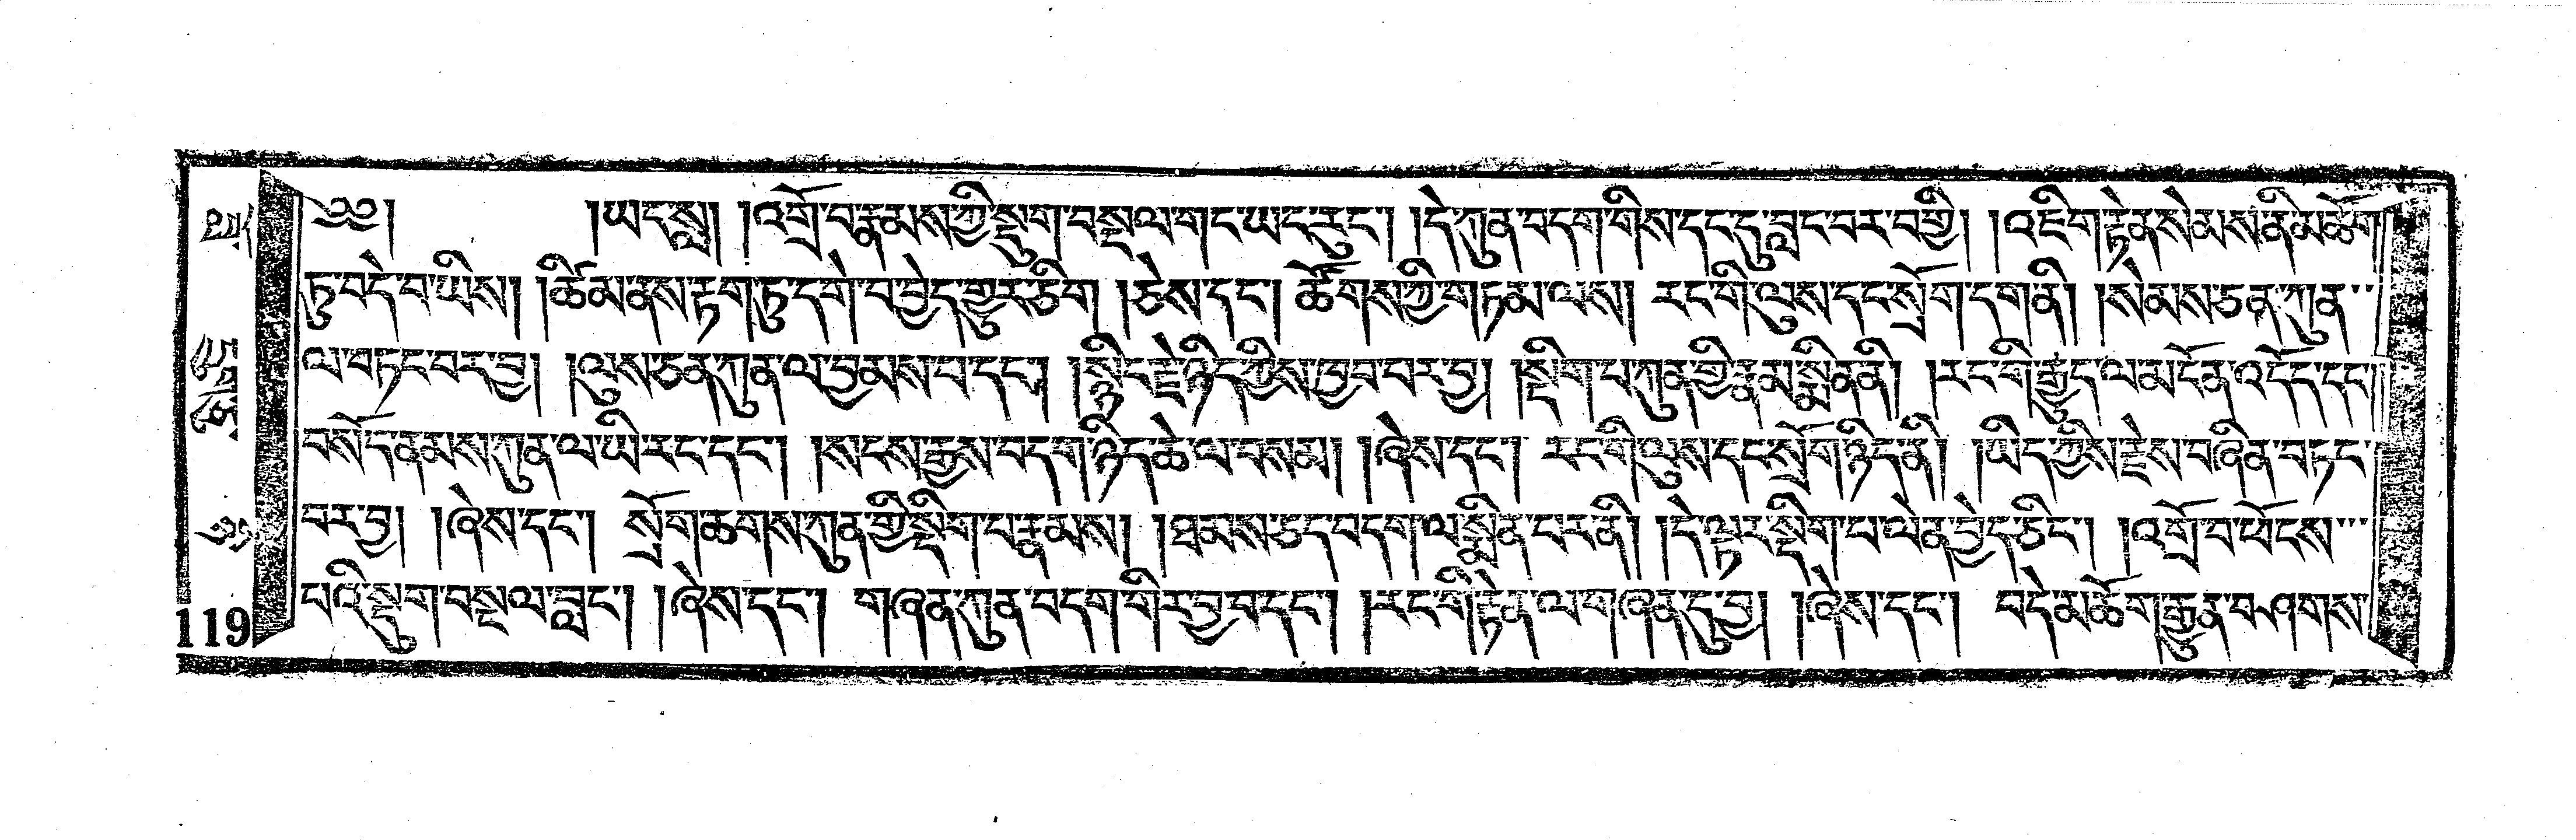༄༅། །ཡང་སླ། །འགྲོ་བ་རྣམས་ཀྱི་སྡུག་བསྔལ་གང་ཡང་རུང་། །དེ་ཀུན་བདག་གིས་དང་དུ་བླང་བར་བགྱི། །འཇིག་རྟེན་སེམས་ནི་མཆོག་
ཏུ་བདེ་བ་ཡིས། །ཚིམ་ནས་རྟག་ཏུ་དགེ་བ་བྱེད་གྱུར་ཅིག །ཅེས་དང་། ཚོགས་ཀྱི་གཏམ་ལས། རང་གི་ལུས་དང་སྲོག་དག་ནི། །སེམས་ཅན་ཀུན་
ལ་བཏང་བར་བྱ། །ལུས་ཅན་ཀུན་ལ་བྱམས་པ་དང་། །སྙིང་རྗེ་ཉིད་ཀྱིས་ཁྱབ་པར་བྱ། །སྡིག་པ་ཀུན་གྱི་རྣམ་སྨིན་ནི། །རང་གི་རྒྱུད་ལ་མངོན་འདོད་དང་།
བསོད་ནམས་ཀུན་ལ་ཡི་རང་དང་། །སངས་རྒྱས་བདག་ཉིད་ཆེ་ལ་བསམ། །ཞེས་དང་། རང་གི་ལུས་དང་སྲོག་ཉིད་ནི། །ཡིད་ཀྱིས་རྗེས་བཞིན་བཏང་
བར་བྱ། །ཞེས་དང་། སྲོག་ཆགས་ཀུན་གྱི་སྡིག་པ་རྣམས། །ཐམས་ཅད་བདག་ལ་སྨིན་པར་ནི། །དེ་ལྟར་སྡིག་པ་ལེན་བྱེད་ཅིང་། །འགྲོ་བ་ཕོངས་
པའི་སྡུག་བསྔལ་བླང་། །ཞེས་དང་། གཞན་ཀུན་བདག་གིར་བྱ་བ་དང་། །རང་གི་རྟེན་ལ་གཞན་དུ་བྱ། །ཞེས་དང་། བདེ་མཆོག་རྒྱུན་བཤགས་